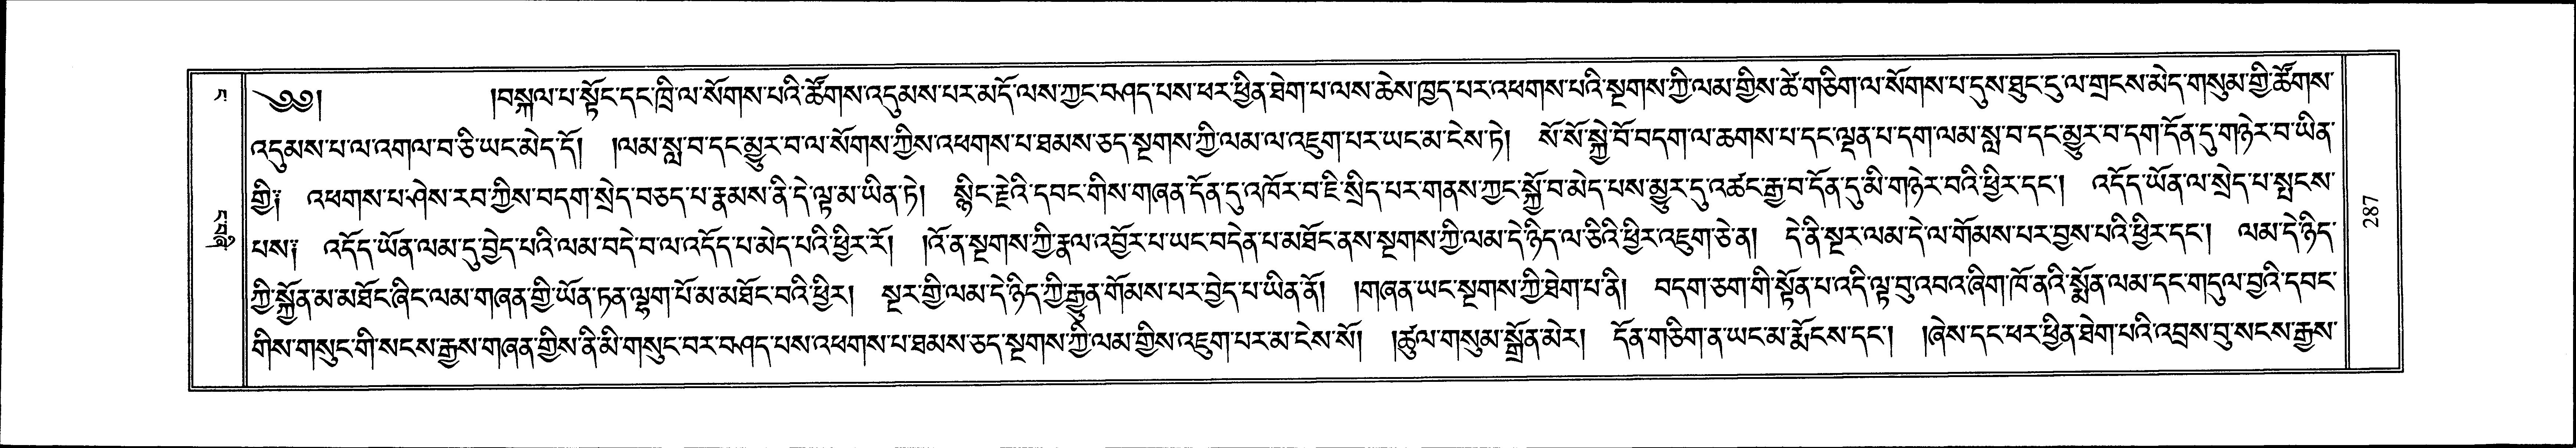༄༅། །བསྐལ་པ་སྟོང་དང་ཁྲི་ལ་སོགས་པའི་ཚོགས་འདུམས་པར་མདོ་ལས་ཀྱང་བཤད་པས་ཕར་ཕྱིན་ཐེག་པ་ལས་ཆེས་ཁྱད་པར་འཕགས་པའི་སྔགས་ཀྱི་ལམ་གྱིས་ཚེ་གཅིག་ལ་སོགས་པ་དུས་ཐུང་ངུ་ལ་གྲངས་མེད་གསུམ་གྱི་ཚོགས་
འདུམས་པ་ལ་འགལ་བ་ཅི་ཡང་མེད་དོ། །ལམ་སླ་བ་དང་མྱུར་བ་ལ་སོགས་ཀྱིས་འཕགས་པ་ཐམས་ཅད་སྔགས་ཀྱི་ལམ་ལ་འཇུག་པར་ཡང་མ་ངེས་ཏེ། སོ་སོ་སྐྱེ་བོ་བདག་ལ་ཆགས་པ་དང་ལྡན་པ་དག་ལམ་སླ་བ་དང་མྱུར་བ་དག་དོན་དུ་གཉེར་བ་ཡིན་
གྱི། འཕགས་པ་ཤེས་རབ་ཀྱིས་བདག་སྲེད་བཅད་པ་རྣམས་ནི་དེ་ལྟ་མ་ཡིན་ཏེ། སྙིང་རྗེའི་དབང་གིས་གཞན་དོན་དུ་འཁོར་བ་ཇི་སྲིད་པར་གནས་ཀྱང་སྐྱོ་བ་མེད་པས་མྱུར་དུ་འཚང་རྒྱ་བ་དོན་དུ་མི་གཉེན་པའི་ཕྱིར་དང་། འདོད་ཡོན་ལ་སྲེད་པ་སྤངས་
པས། འདོད་ཡོན་ལམ་དུ་བྱེད་པའི་ལམ་བདེ་བ་ལ་འདོད་པ་མེད་པའི་ཕྱིར་རོ། །འོ་ན་སྔགས་ཀྱི་རྣལ་འབྱོར་པ་ཡང་བདེན་པ་མཐོང་ནས་སྔགས་ཀྱི་ལམ་དེ་ཉིད་ལ་ཅིའི་ཕྱིར་འཇུག་ཅེ་ན། དེ་ནི་སྔར་ལམ་དེ་ལ་གོམས་པར་བྱས་པའི་ཕྱིར་དང་། ལམ་དེ་ཉིད་
ཀྱི་སྐྱོན་མ་མཐོང་ཞིང་ལམ་གཞན་གྱི་ཡོན་ཏན་ལྷག་པོ་མ་མཐོང་བའི་ཕྱིར། སྔར་གྱི་ལམ་དེ་ཉིད་ཀྱི་རྒྱུན་གོམས་པར་བྱེད་པ་ཡིན་ནོ། །གཞན་ཡང་སྔགས་ཀྱི་ཐེག་པ་ནི། བདག་ཅག་གི་སྟོན་པ་འདི་ལྟ་བུ་འབའ་ཞིག་ཁོ་ནའི་སྨོན་ལམ་དང་གདུལ་བྱའི་དབང་
གིས་གསུང་གི་སངས་རྒྱས་གཞན་གྱིས་ནི་མི་གསུང་བར་བཤད་པས་འཕགས་པ་ཐམས་ཅད་སྔགས་ཀྱི་ལམ་གྱིས་འཇུག་པར་མ་ངེས་སོ། །ཚུལ་གསུམ་སྒྲོན་མེར། དོན་གཅིག་ན་ཡང་མ་རྨོངས་དང་། །ཞེས་དང་ཕར་ཕྱིན་ཐེག་པའི་འབྲས་བུ་སངས་རྒྱས་